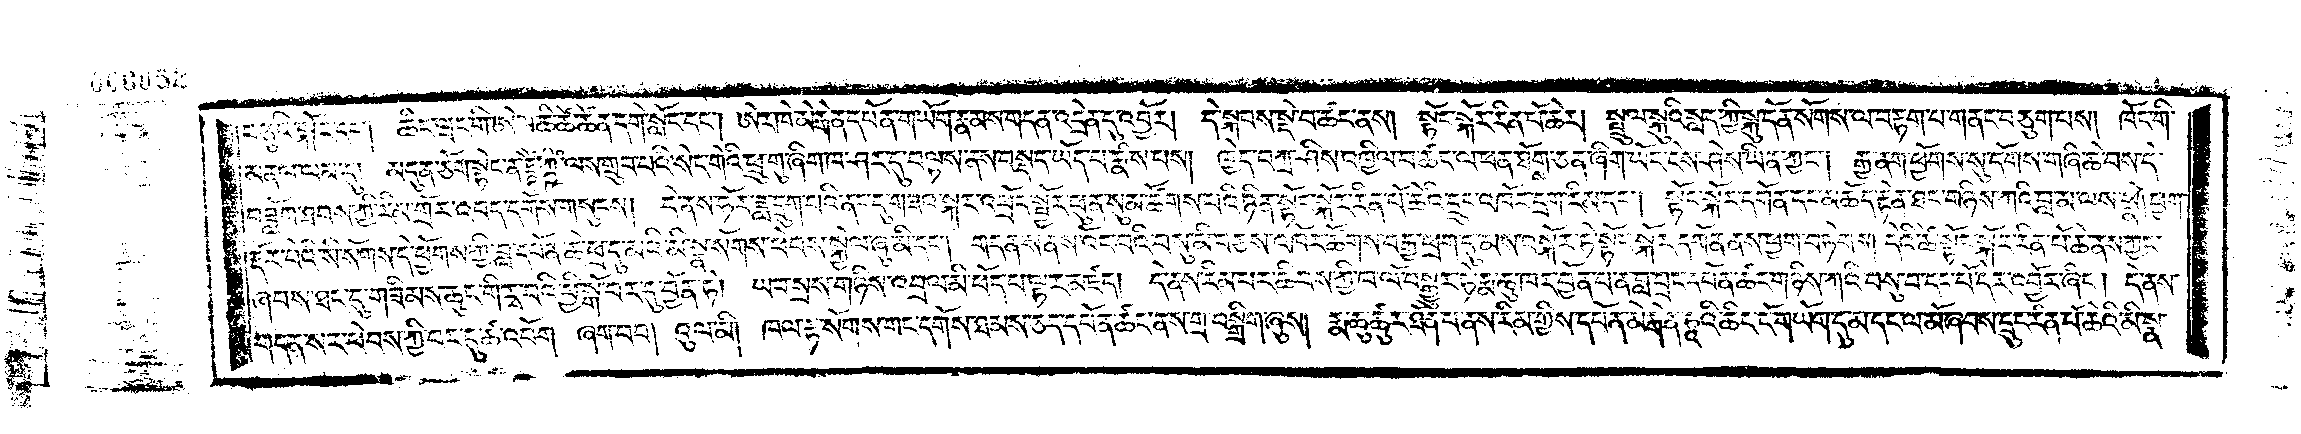བཅུའི་སྐོར་དང་། ཆིང་ཝང་གི་ཨེལ་ཆི་ཚེ་ཚེན་དགེ་སློང་དང་། ཨེར་ཁེ་མེ་རྒེན་དཔོན་གཡོག་རྣམས་གདན་འདྲེན་དུ་འབྱོར། དེ་སྐབས་སྡེ་བ་ཚང་ནས། སྟོང་སྐོར་རིན་པོ་ཆེར། སྤྲུལ་སྐུའི་སླད་ཀྱི་སྐུ་དོན་སོགས་ལ་བརྟག་པ་གནང་བཅུག་པས། ཁོང་གི་
མནལ་ལམ་དུ། མདུན་ཅོག་སྟེང་ན་ཛྙཻ་ཀྲྵིཾ་ལས་གྲུབ་པའི་སེང་གེའི་ཕྲུ་གུ་ཞིག་ཁ་ཤར་དུ་བལྟས་ནས་བསྡད་ཡོད་པ་རྨིས་པས། ཁྱེད་བཀྲ་ཤིས་འཁྱིལ་བ་ཚང་ལ་ཕན་ཐོག་ཅན་ཞིག་ཡོང་ངེས་ཤེས་ཡིན་ཀྱང་། རྒྱ་ནག་ཕྱོགས་སུ་དོགས་གཞི་ཆེ་བས་དེ་
བཟློག་ཐབས་ཀྱི་རིམ་གྲོར་འབད་དགོས་གསུངས། དེ་ནས་ཧོར་ཟླ་དྲུག་པའི་ནང་དུ་གཟའ་སྐར་འཕྲོད་སྤྱོར་ཕུན་སུམ་ཚོགས་པའི་ཉིན་སྟོང་སྐོར་རིན་པོ་ཆེའི་དྲུང་འཁོར་དྲག་རིམ་དང་། སྟོང་སྐོར་དགོན་དང་མཆོད་རྟེན་ཐང་གཉིས་ཀའི་བླ་མ་ལས་སྣེ། ཕྱག་
རྡོར་པེའི་སི་སོགས་དེ་ཕྱོགས་ཀྱི་བླ་དཔོན་ཆེ་ཕྲ་དུ་མའི་མི་སྣ་སོགས་ཕེབས་སྐྱེལ་ཞུ་མི་དང་། གདན་ས་ནས་འོང་བའི་བསུ་མི་བཅས་འཁོར་ཚོགས་བརྒྱ་ཕྲག་དུ་མས་བསྐོར་ཏེ་སྟོང་སྐོར་དགོན་ནས་ཕྱག་བཏེགས། དེའི་ཚེ་སྟོང་སྐོར་རིན་པོ་ཆེ་ནས་ཀྱང་
ཞབས་ཐང་དུ་གཟིམས་ཆུང་གི་རྭ་བའི་ཕྱི་སྒོ་བར་དུ་བྱོན་ཏེ། ཡབ་སྲས་གཉིས་འབྲལ་མི་ཕོད་པ་ལྟར་མཛད། དེ་ནས་རིམ་པར་ཆིབས་ཀྱི་ཁ་ལོ་བསྒྱུར་ཏེ་རྨ་ཆུ་ཁར་བྱོན་པ་ན་བླ་བྲང་དཔོན་ཚང་གཉིས་ཀའི་བསུ་བ་དང་པོ་དེར་འབྱོར་ཞིང་། དེ་ནས་
གདན་སར་ཕེབས་ཀྱི་བར་དུ་ཚ་འབོག་ཞག་བབ། འུལ་མི། ཁལ་རྟ་སོགས་གང་དགོས་ཐམས་ཅད་དཔོན་ཚང་ནས་གྲ་བསྒྲིག་ཞུས། རྨ་ཆུ་ཚུར་ཐོན་པ་ནས་རིམ་གྱིས་དཔོན་མེ་རྒེན་ཏཱའི་ཆིང་ངོ་གཡོག་དུ་མ་དང་ལ་མོ་ཞབས་དྲུང་རིན་པོ་ཆེའི་མི་སྣ་